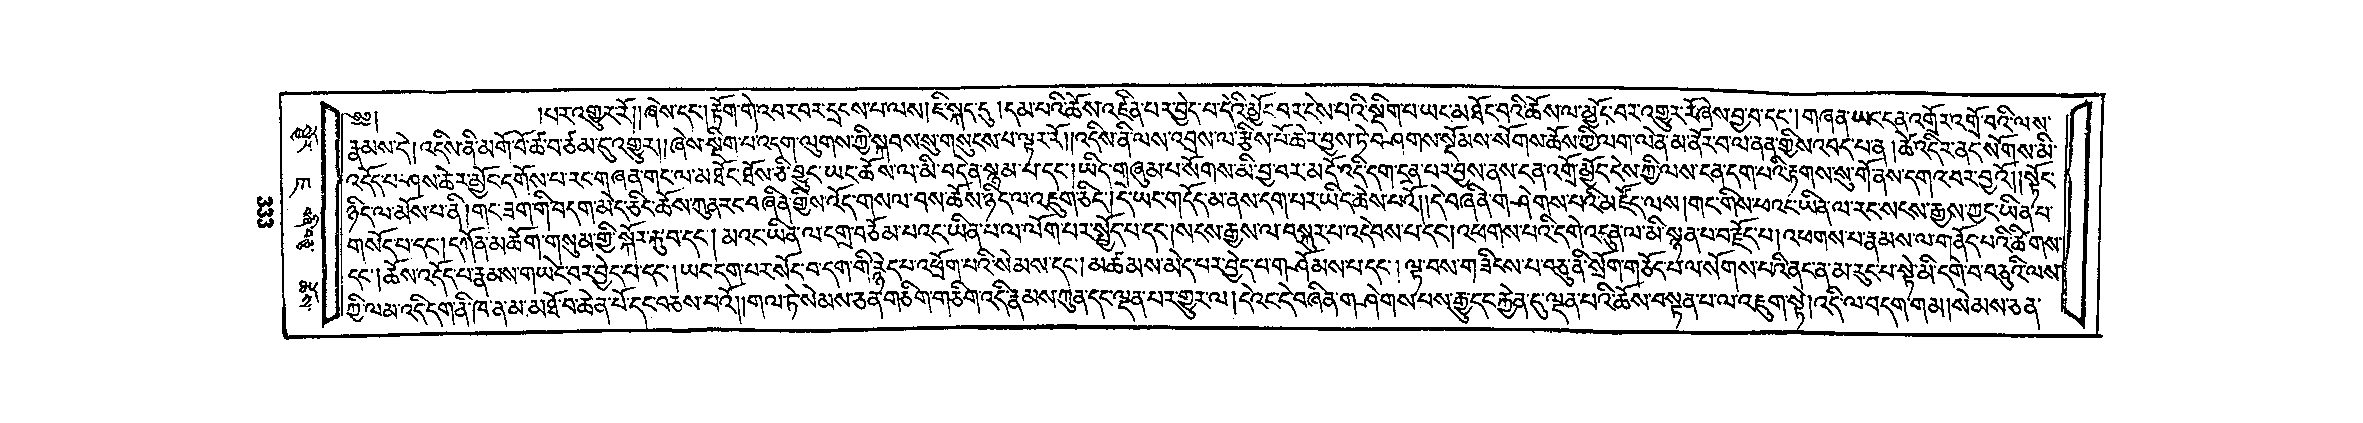༄༅། །པར་འགྱུར་རོ། །ཞེས་དང་། རྟོག་གེ་འབར་བར་དྲངས་པ་ལས། ཇི་སྐད་དུ། དམ་པའི་ཆོས་འཛིན་པར་བྱེད་པ་དེའི་མྱོང་བར་ངེས་པའི་སྡིག་པ་ཡང་མཐོང་བའི་ཆོས་ལ་མྱོང་བར་འགྱུར་རོ་ཞེས་བྱ་བ་དང་། གཞན་ཡང་ངན་འགྲོར་འགྲོ་བའི་ལས་
རྣམས་དེ། འདིས་ནི་མགོ་བོ་ཚ་བ་ཙམ་དུ་འགྱུར། །ཞེས་སྡིག་པ་འདག་ལུགས་ཀྱི་སྐབས་སུ་གསུངས་པ་ལྟར་རོ། །འདིས་ནི་ལས་འབྲས་ལ་རྩིས་པོ་ཆེར་བྱས་ཏེ་བཤགས་སྡོམས་སོགས་ཆོས་ཀྱི་ལག་ལེན་མ་ནོར་བ་ལ་ནན་གྱིས་འབད་པ་ན། ཚེ་འདིར་ནད་སོགས་མི་
འདོད་པ་ཤས་ཆེར་མྱོང་དགོས་པ་རང་གཞན་གང་ལ་མཐོང་ཐོས་ཅི་བྱུང་ཡང་ཆོས་ལ་མི་བདེན་སྙམ་པ་དང་། ཡིད་གཞུམ་པ་སོགས་མི་བྱ་བར་མདོ་འདི་དག་དྲན་པར་བྱས་ནས་ངན་འགྲོ་མྱོང་ངེས་ཀྱི་ལས་ངན་དག་པའི་རྟགས་སུ་གོ་ནས་དགའ་བར་བྱའོ། །སྟོང་
ཉིད་ལ་མོས་པ་ནི། གང་ཟག་གི་བདག་མེད་ཅིང་ཆོས་ཀུན་རང་བཞིན་གྱིས་འོད་གསལ་བས་ཆོས་ཉིད་ལ་འཇུག་ཅིང་། དེ་ཡང་གདོད་མ་ནས་དག་པར་ཡིད་ཆེས་པའོ། །དེ་བཞིན་གཤེགས་པའི་མཛོད་ལས། གང་གིས་ཕའང་ཡིན་ལ་རང་སངས་རྒྱས་ཀྱང་ཡིན་པ་
གསོད་པ་དང་། དཀོན་མཆོག་གསུམ་གྱི་སྐོར་རྐུ་བ་དང་། མའང་ཡིན་ལ་དགྲ་བཅོམ་པའང་ཡིན་པ་ལ་ལོག་པར་སྤྱོད་པ་དང་། སངས་རྒྱས་ལ་བསྐུར་པ་འདེབས་པ་དང་། འཕགས་པའི་དགེ་འདུན་ལ་མི་སྙན་པ་བརྗོད་པ། འཕགས་པ་རྣམས་ལ་གནོད་པའི་ཚིགས་
དང་། ཆོས་འདོད་པ་རྣམས་གཡེང་བར་བྱེད་པ་དང་། ཡང་དག་པར་སོང་བ་དག་གི་རྙེད་པ་འཕྲོག་པའི་སེམས་དང་། མཚམས་མེད་པར་བྱེད་པ་གཤོམས་པ་དང་། ལྟ་བས་གཟིངས་པ་བཅུ་ནི་སྲོག་གཅོད་པ་ལ་སོགས་པའི་ནང་ན་མ་རུང་པ་སྟེ་མི་དགེ་བ་བཅུའི་ལས་
ཀྱི་ལམ་འདི་དག་ནི་ཁ་ན་མ་མཐོ་བ་ཆེན་པོ་དང་བཅས་པའོ། །གལ་ཏེ་སེམས་ཅན་གཅིག་གཅིག་འདི་རྣམས་ཀུན་དང་ལྡན་པར་གྱུར་ལ། དེའང་དེ་བཞིན་གཤེགས་པས་རྒྱུ་དང་རྐྱེན་དུ་ལྡན་པའི་ཆོས་བསྟན་པ་ལ་འཇུག་སྟེ། འདི་ལ་བདག་གམ། སེམས་ཅན་